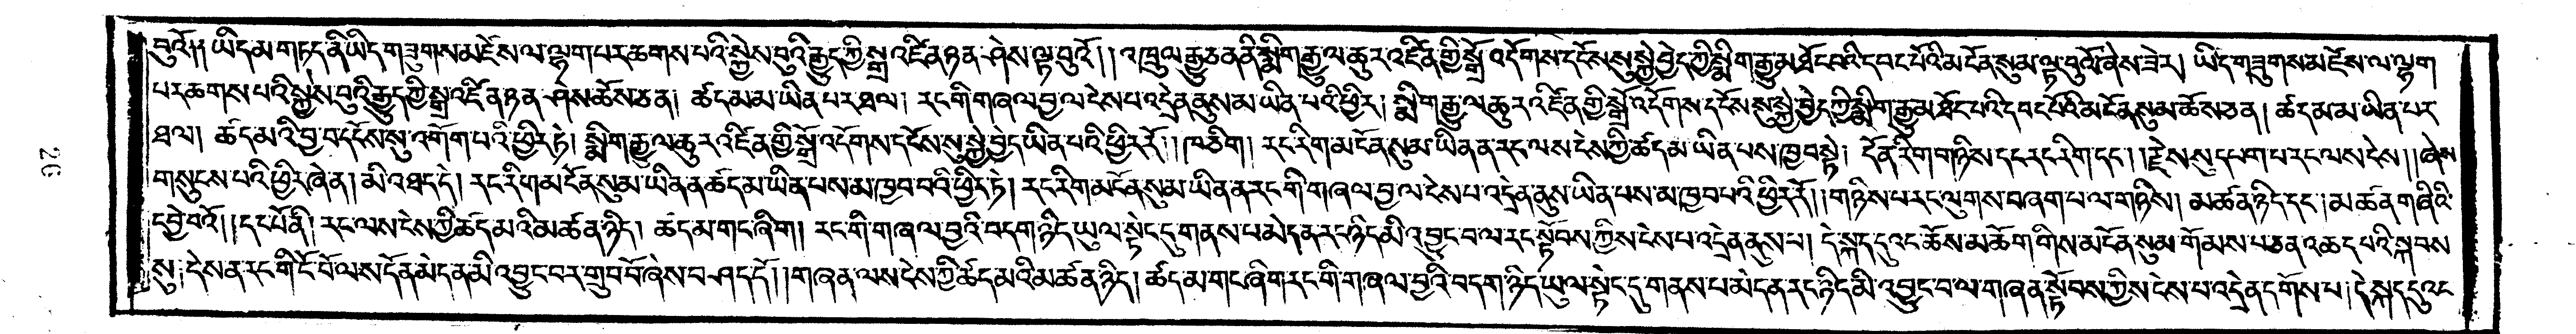བུའོ༑ ༑ཡིད་མ་གཏད་ནི་ཡིད་གཟུགས་མཛེས་ལ་ལྷག་པར་ཆགས་པའི་སྐྱེས་བུའི་རྒྱུད་ཀྱི་སྒྲ་འཛིན་ཉན་ཤེས་ལྟ་བུའོ། །འཁྲུལ་རྒྱུ་ཅན་ནི་སྨིག་རྒྱུ་ལ་ཆུར་འཛིན་གྱི་སྒྲོ་འདོགས་དངོས་སུ་སྐྱེ་བྱེད་ཀྱི་སྨིག་རྒྱུ་མཐོང་བའི་དབང་པོའི་མངོན་སུམ་ལྟ་བུའོ་ཞེས་ཟེར། ཡིད་གཟུགས་མཛེས་ལ་ལྷག་
པར་ཆགས་པའི་སྐྱེས་བུའི་རྒྱུད་ཀྱི་སྒྲ་འཛིན་ཉན་ཤེས་ཆོས་ཅན། ཚད་མ་མ་ཡིན་པར་ཐལ། རང་གི་གཞལ་བྱ་ལ་ངེས་པ་འདྲེན་ནུས་མ་ཡིན་པའི་ཕྱིར། སྨིག་རྒྱུ་ལ་ཆུར་འཛིན་གྱི་སྒྲོ་འདོགས་དངོས་སུ་སྐྱེ་བྱེད་ཀྱི་སྨིག་རྒྱུ་མཐོང་བའི་དབང་པོའི་མངོན་སུམ་ཆོས་ཅན། ཚད་མ་མ་ཡིན་པར་
ཐལ༑ ཚད་མའི་བྱ་བ་དངོས་སུ་འགོག་པའི་ཕྱིར་ཏེ། སྨིག་རྒྱུ་ལ་ཆུར་འཛིན་གྱི་སྒྲོ་འདོགས་དངོས་སུ་སྐྱེ་བྱེད་ཡིན་པའི་ཕྱིར་རོ། །ཁ་ཅིག། རང་རིག་མངོན་སུམ་ཡིན་ན་རང་ལས་ངེས་ཀྱི་ཚད་མ་ཡིན་པས་ཁྱབ་སྟེ། དོན་རིག་གཉིས་དང་རང་རིག་དང་། །རྗེས་སུ་དཔག་པ་རང་ལས་ངེས། །ཞེས་
གསུངས་པའི་ཕྱིར་ཞེ་ན། མི་འཐད་དེ། རང་རིག་མངོན་སུམ་ཡིན་ན་ཚད་མ་ཡིན་པས་མ་ཁྱབ་པའི་ཕྱིར་ཏེ། རང་རིག་མངོན་སུམ་ཡིན་ན་རང་གི་གཞལ་བྱ་ལ་ངེས་པ་འདྲེན་ནུས་ཡིན་པས་མ་ཁྱབ་པའི་ཕྱིར་རོ། །གཉིས་པ་རང་ལུགས་བཞག་པ་ལ་གཉིས། མཚན་ཉིད་དང་། མཚན་གཞིའི་
དབྱེ་བའོ། །དང་པོ་ནི། རང་ལས་ངེས་ཀྱི་ཚད་མའི་མཚན་ཉིད། ཚད་མ་གང་ཞིག། རང་གི་གཞལ་བྱའི་བདག་ཉིད་ཡུལ་སྟེང་དུ་གནས་པ་མེད་ན་རང་ཉིད་མི་འབྱུང་བ་ལ་རང་སྟོབས་ཀྱིས་ངེས་པ་འདྲེན་ནུས་པ། དེ་སྐད་དུའང་ཆོས་མཆོག་གིས་མངོན་སུམ་གོམས་པ་ཅན་འཆད་པའི་སྐབས་
སུ༑ དེས་ན་རང་གི་ངོ་བོ་ལས་དོན་མེད་ན་མི་འབྱུང་བར་གྲུབ་བོ་ཞེས་བཤད་དོ། །གཞན་ལས་ངེས་ཀྱི་ཚད་མའི་མཚན་ཉིད། ཚད་མ་གང་ཞིག་རང་གི་གཞལ་བྱའི་བདག་ཉིད་ཡུལ་སྟེང་དུ་གནས་པ་མེད་ན་རང་ཉིད་མི་འབྱུང་བ་ལ་གཞན་སྟོབས་ཀྱིས་ངེས་པ་འདྲེན་དགོས་པ། དེ་སྐད་དུའང་